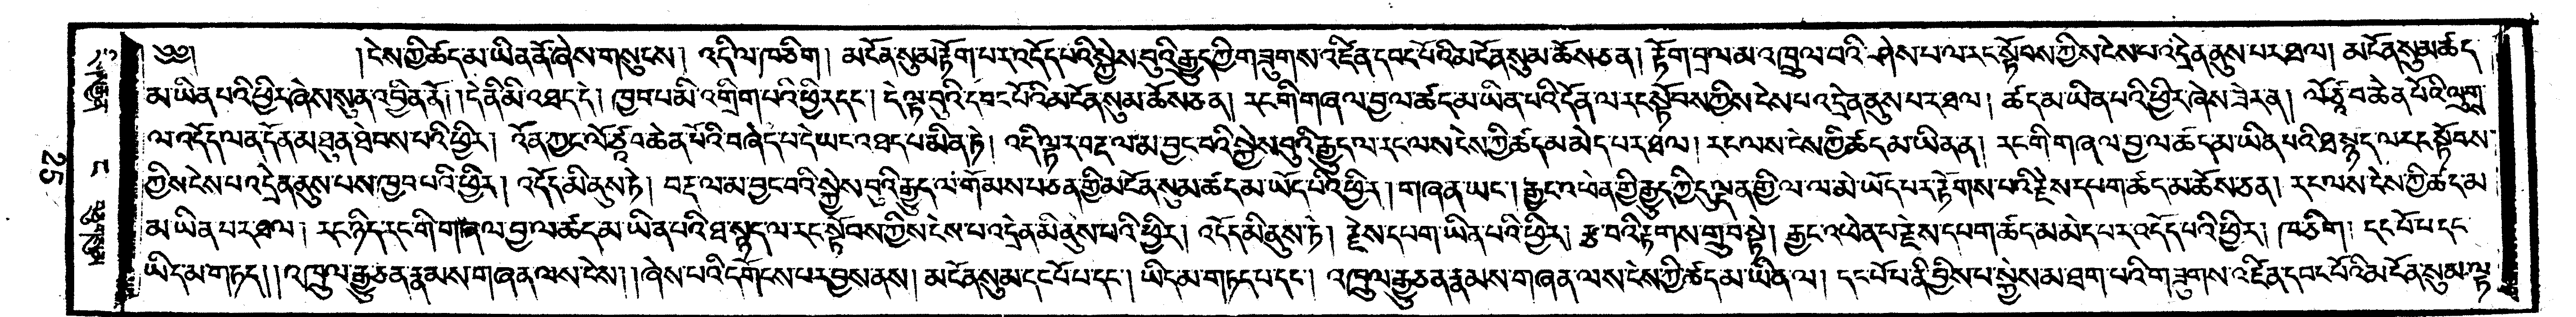༄༅། །ངེས་ཀྱི་ཚད་མ་ཡིན་ནོ་ཞེས་གསུངས། འདི་ལ་ཁ་ཅིག། མངོན་སུམ་རྟོག་པར་འདོད་པའི་སྐྱེས་བུའི་རྒྱུད་ཀྱི་གཟུགས་འཛིན་དབང་པོའི་མངོན་སུམ་ཆོས་ཅན། རྟོག་བྲལ་མ་འཁྲུལ་པའི་ཤེས་པ་ལ་རང་སྟོབས་ཀྱིས་ངེས་པ་འདྲེན་ནུས་པར་ཐལ། མངོན་སུམ་ཚད་
མ་ཡིན་པའི་ཕྱིར་ཞེས་སུན་འབྱིན་ནོ། །དེ་ནི་མི་འཐད་དེ། ཁྱབ་པ་མི་འགྲིག་པའི་ཕྱིར་དང་། དེ་ལྟ་བུའི་དབང་པོའི་མངོན་སུམ་ཆོས་ཅན། རང་གི་གཞལ་བྱ་ལ་ཚད་མ་ཡིན་པའི་དོན་ལ་རང་སྟོབས་ཀྱིས་ངེས་པ་འདྲེན་ནུས་པར་ཐལ། ཚད་མ་ཡིན་པའི་ཕྱིར་ཞེས་ཟེར་ན། ལོ་ཙཱ་བ་ཆེན་པོའི་ལུགས་
ལ་འདོད་ལན་དོན་མཐུན་ཐེབས་པའི་ཕྱིར། འོན་ཀྱང་ལོ་ཙཱ་བ་ཆེན་པོའི་བཞེད་པ་དེ་ཡང་འཐད་པ་མིན་ཏེ། འདི་ལྟར་བརྡ་ལ་མ་བྱང་བའི་སྐྱེས་བུའི་རྒྱུད་ལ་རང་ལས་ངེས་ཀྱི་ཚད་མ་མེད་པར་ཐལ། རང་ལས་ངེས་ཀྱི་ཚད་མ་ཡིན་ན། རང་གི་གཞལ་བྱ་ལ་ཚད་མ་ཡིན་པའི་ཐ་སྙད་ལ་རང་སྟོབས་
ཀྱིས་ངེས་པ་འདྲེན་ནུས་པས་ཁྱབ་པའི་ཕྱིར། འདོད་མི་ནུས་ཏེ། བརྡ་ལ་མ་བྱང་བའི་སྐྱེས་བུའི་རྒྱུད་ལ་གོམས་པ་ཅན་གྱི་མངོན་སུམ་ཚད་མ་ཡོད་པའི་ཕྱིར། གཞན་ཡང་། རྒྱང་འཕེན་གྱི་རྒྱུད་ཀྱི་དུ་ལྡན་གྱི་ལ་ལ་མེ་ཡོད་པར་རྟོགས་པའི་རྗེས་དཔག་ཚད་མ་ཆོས་ཅན། རང་ལས་ངེས་ཀྱི་ཚད་མ་
མ་ཡིན་པར་ཐལ། རང་ཉིད་རང་གི་གཞལ་བྱ་ལ་ཚད་མ་ཡིན་པའི་ཐ་སྙད་ལ་རང་སྟོབས་ཀྱིས་ངེས་པ་འདྲེན་མི་ནུས་པའི་ཕྱིར། འདོད་མི་ནུས་ཏེ། རྗེས་དཔག་ཡིན་པའི་ཕྱིར། རྩ་བའི་རྟགས་གྲུབ་སྟེ། རྒྱང་འཕེན་པ་རྗེས་དཔག་ཚད་མ་མེད་པར་འདོད་པའི་ཕྱིར། ཁ་ཅིག། དང་པོ་པ་དང་
ཡིད་མ་གཏད། །འཁྲུལ་རྒྱུ་ཅན་རྣམས་གཞན་ལས་ངེས། །ཞེས་པའི་དགོངས་པར་བྱས་ནས། མངོན་སུམ་དང་པོ་པ་དང་། ཡིད་མ་གཏད་པ་དང་། འཁྲུལ་རྒྱུ་ཅན་རྣམས་གཞན་ལས་ངེས་ཀྱི་ཚད་མ་ཡིན་ལ། དང་པོ་པ་ནི་བྱིས་པ་སྐྱེས་མ་ཐག་པའི་གཟུགས་འཛིན་དབང་པོའི་མངོན་སུམ་ལྟ་